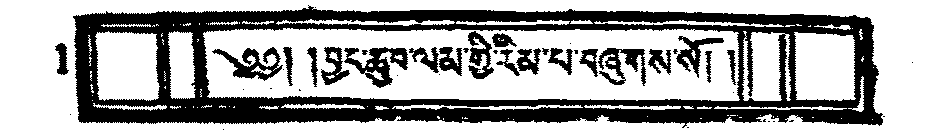༄༅། །བྱང་ཆུབ་ལམ་གྱི་རིམ་པ་བཞུགས་སོ། །